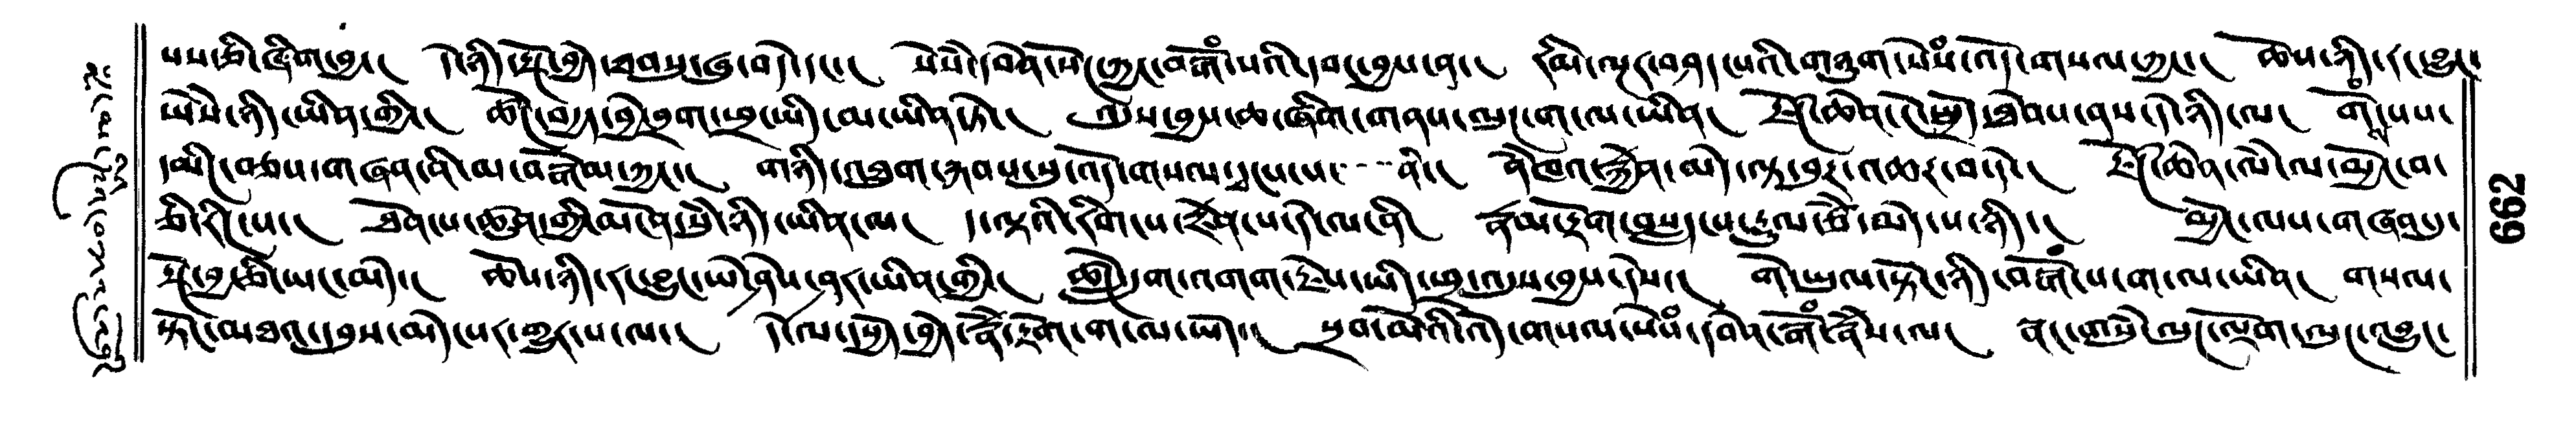པས་ཅི་ཞིག་བྱ། །དེ་ཉིད་རྟོགས་བྱེད་ཐབས་སུ་ཞུ་བདེ་དང་། །སེམས་དབེན་སོགས་ཀྱང་བསྒོམ་པའི་དབང་བྱས་ན། །རིམ་ལྔར་བཤད་པའི་གཉུག་སེམས་འོད་གསལ་ཀྱང་། །ཆོས་ཉིད་རང་བྱུང་
ཡེ་ཤེས་ཉིད་ཡིན་གྱི། །ཚོགས་བརྒྱད་བྱེ་བྲག་ཕྲ་ཡིད་མ་ཡིན་ཏེ། །འདུས་བྱས་ཆ་ཞིག་གནས་ལུགས་ག་ལ་ཡིན། །རྫོགས་ཆེན་ངོ་སྤྲོད་ཐེབས་ནས་དེ་ཉིད་ལ། །གོམས་པས་
དམིགས་བཅས་གཞན་ནི་མ་བསྒོམ་ཀྱང་། །གཉིད་འཐུག་སྐབས་སུ་འོད་གསལ་དྭངས་པ་ནི། །ནམ་མཁའ་རྐྱེན་མེད་ལྟ་བུར་འཆར་བ་དེ། །རྫོགས་ཆེན་ལམ་ལ་མྱོང་བ་
ཅི་རིགས་པ། །ཐོན་པ་ཚུན་གྱི་མངོན་སུམ་ཉིད་ཡིན་ལ། །ད་ལྟའི་རིག་པ་རྗེན་པ་དེ་ལ་ནི། །རྣམ་རྟོག་བསླད་པ་རྡུལ་ཙམ་མེད་པ་ཉིད། །མྱོང་ལས་གཞན་དུ་
རྟོགས་བྱ་ཅི་ཡང་མེད། །ཆོས་ཉིད་རང་བྱུང་ཡེ་ཤེས་ཤར་ཡིན་གྱི། །ཚོགས་དྲུག་འགགས་རྗེས་ཡིད་ཕྲ་འདུས་བྱས་དེས། །གོ་ཡུལ་སྟོང་ཉིད་སྒོམ་པ་ག་ལ་ཡིན། །གསལ་
སྟོང་མཐའ་དབུས་མེད་པར་གྱུར་པ་ལ། །དེ་ལ་དཔྱོད་བྱེད་རྣམ་རྟོག་ག་ལ་ཡོད། །སྲབ་མོའི་འོད་གསལ་སེམས་དབེན་སྒོམ་རྣམས་ལ། །སྣང་གསུམ་ལུགས་ལྡོག་ལུགས་འབྱུང་